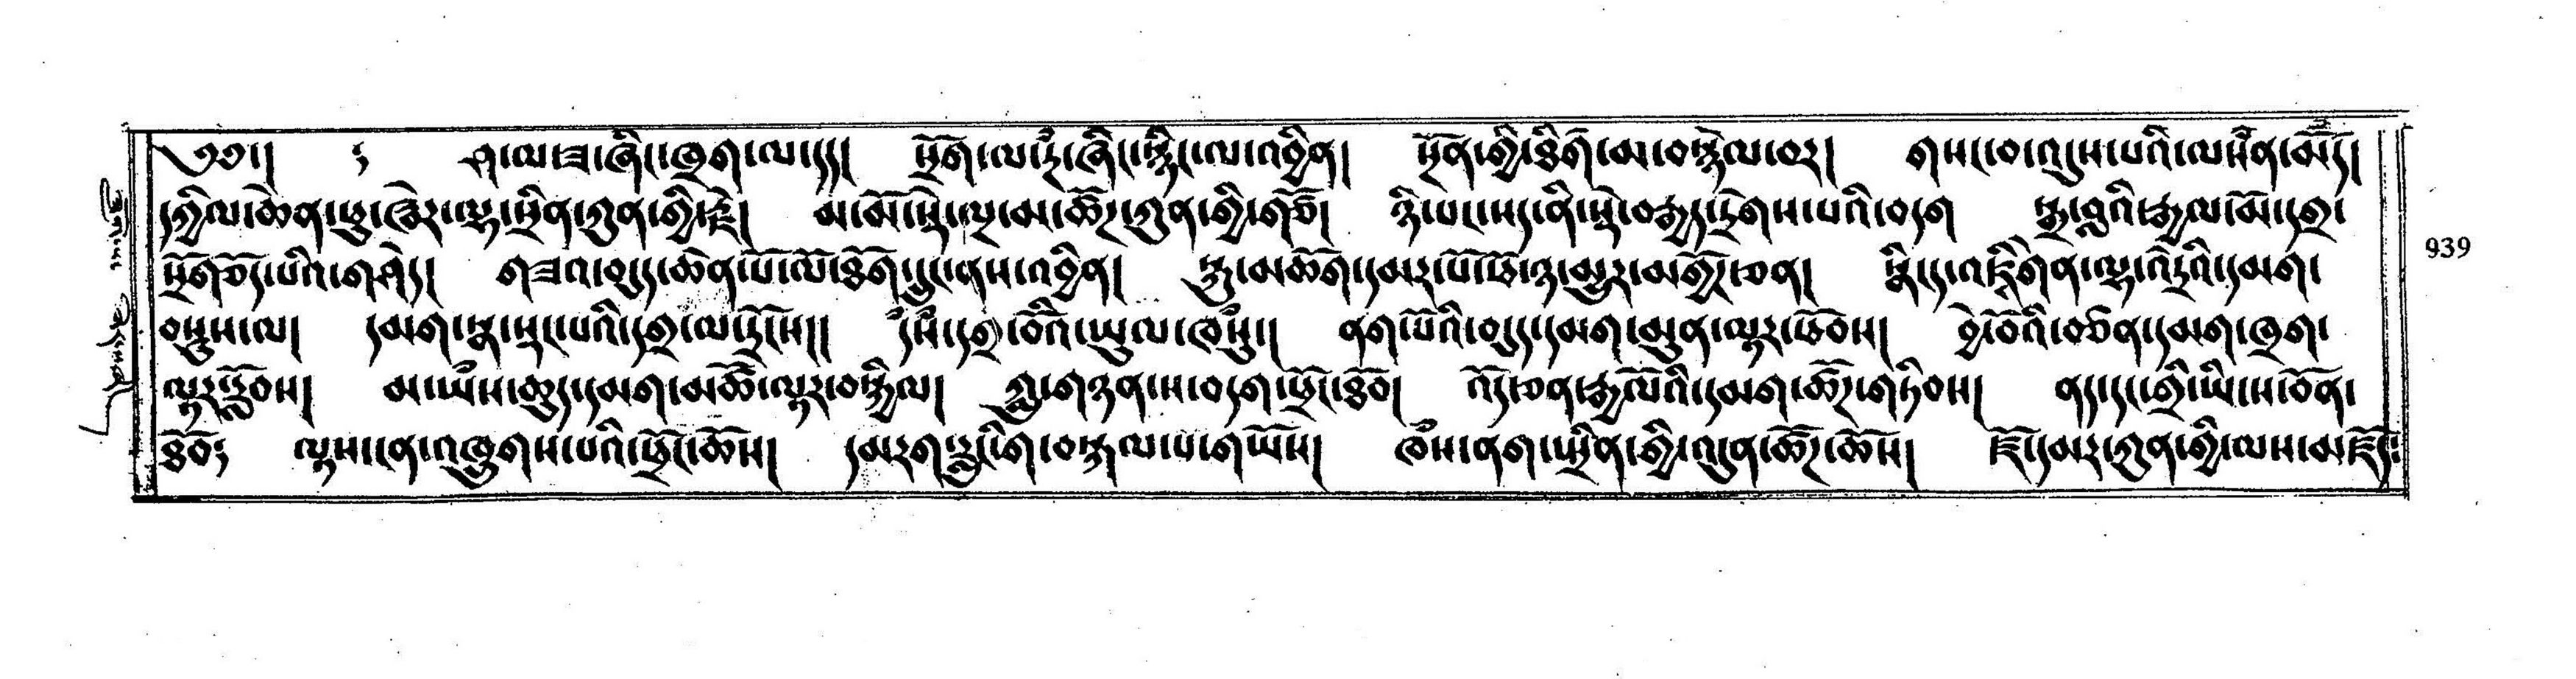ཤ་ལ་ཟ་ཞིང་ཁྲག་ལ་དད། སྲོག་ལ་རྔམ་ཞིང་སྙིང་ལ་འབྱིན། སྔོན་གྱི་ཐ་ཚིག་མ་བསྙེལ་བར། གསང་བ་འདུས་པའི་ལས་མཁན་མཛོད། 
དཀྱིལ་ཆེན་ཕུ་ཝེར་ལྷ་སྲིན་ཀུན་གྱི་རྗེ། མ་མོ་སྡེ་ལྔ་མ་ཚོགས་ཀུན་གྱི་གཙོ། ཉི་པང་སད་ནི་སྡེ་བརྒྱད་དྲེགས་པའི་བདག སྒྲ་བླའི་རྒྱལ་མོ་དགྲ་
སྲོག་གཅོད་པའི་གཤེད། གཟའ་བདུད་ཆེན་པོ་ལོ་ཐོག་དྲུང་ནས་འབྱིན། སྐུ་མཆོག་དམར་པོ་ཕོ་ཉ་མྱུར་མགྱོགས་ཅན། སྣང་སྲིད་འཇིག་རྟེན་ལྷ་འདྲེའི་དམག་
བསྡུས་ལ། དམག་སྣ་སྡང་པའི་དགྲ་ལ་དྲོངས།། དམ་ཉམས་དགྲ་བོའི་ཡུལ་ཁམས་སུ། ནག་པོའི་བདུད་དམག་མུན་ལྟར་ཕོབས། བྱེ་བོའི་བཙན་དམག་ཁྲག་
ལྟར་རློབས། མ་ཡམས་ཆུད་དམག་མཚོ་ལྟར་བསྐྱིལ། ཀླུ་གཉན་ས་བདག་ཕོ་བྲང་ཐོབ། འོད་ཅན་རྒྱལ་པོའི་དམག་ཚོགས་གཏིབས། ནད་དང་གྲི་ཡི་ས་བོན་
ཐོབ། ལྟས་ངན་འཁྲུགས་པའི་ཕོ་བྲང་ཆོས། དམར་ནག་རླུང་གི་བསྐལ་པ་གཡོས། ཁམས་ནག་སྤྲིན་གྱི་འདུན་ཚོགས་ཆོས། ཛོ་དམར་ཀུན་གྱི་ལས་མཛོད་